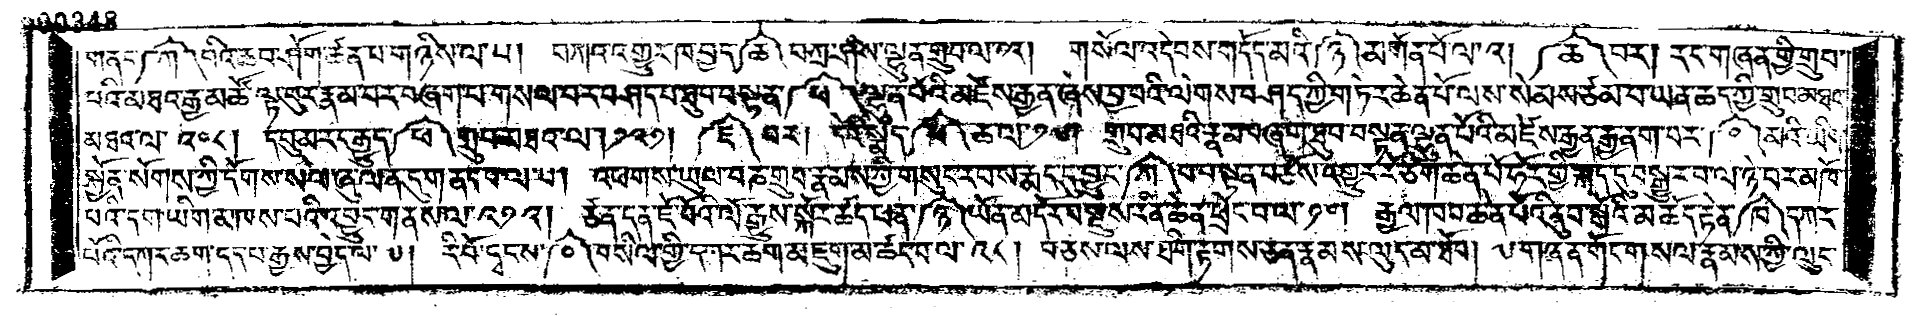གནང ༼ཀ༽ བའི་ཆབ་ཤོག་ཚན་པ་གཉིས་ལ ༥། བཀའ་འགྱུར་ཁ་བྱང ༼ཆ༽ བཀྲ་ཤིས་ལྷུན་གྲུབ་ལ ༡༢། གསོལ་འདེབས་གདོད་མའི ༼ཉ༽ མགོན་པོ་ལ ༢། ༼ཆ༽ བར། རང་གཞན་གྱི་གྲུབ་
པའི་མཐའ་རྒྱ་མཚོ་ལྟ་བུར་རྣམ་པར་བཞག་པ་གསལ་བར་བཤད་པ་ཐུབ་བསྟན ༼ཕ༽ ལྷུན་པོའི་མཛེས་རྒྱན་ཞེས་བྱ་བའི་ལེགས་བཤད་ཀྱི་གཏེར་ཆེན་པོ་ལས་སེམས་ཙམ་པ་ཡན་ཆད་ཀྱི་གྲུབ་མཐའ་
མཐའ་ལ ༢༠༨། དབུ་མ་རང་རྒྱུད ༼ཕ༽ གྲུབ་མཐའ་ལ། ༡༢༡། ༼ཇ༽ བར། དེའི་སྨད ༼ཕ༽ ཆ་ལ ༡༧། གྲུབ་མཐའི་རྣམ་བཞག་ཐུབ་བསྟན་ལྷུན་པོའི་མཛེས་རྒྱན་རྒྱ་ནག་པར ༼༠༽ མའི་ཡིག་
སྐྱོན་སོགས་ཀྱི་དོགས་སེལ་ཞུ་ལན་དུ་གནང་བ་ལ ༥། འཕགས་ཡུལ་པཎ་གྲུབ་རྣམས་ཀྱི་གསུང་རབས་རྨད་དུ་བྱུང ༼ཀ༽ བ་བསྟན་བཅོས་འགྱུར་རོ་ཅོག་ཆེན་པོ་ཧོར་གྱི་སྐད་དུ་བསྒྱུར་བ་ལ་ཉེ་བར་མཁོ་
པའི་དག་ཡིག་མཁས་པའི་འབྱུང་གནས་ལ ༢༡༢། ཙན་དན་ཇོ་བོའི་ལོ་རྒྱུས་སྐོར་ཚད་ཕན ༼ཉ༽ ཡོན་མདོར་བསྡུས་རིན་ཆེན་ཕྲེང་བ་ལ ༡༠། རྒྱལ་ཁབ་ཆེན་པོའི་ནུབ་སྒོའི་མཆོད་རྟེན ༼ཁ༽ དཀར་
པོའི་དཀར་ཆག་དད་པ་རྒྱས་བྱེད་ལ ༧། རི་བོ་དྭངས ༼༠༽ བསིལ་གྱི་དཀར་ཆག་མཇུག་མ་ཚང་བ་ལ ༢༨། བཅས་ལས་ཐིག་རྟགས་ཅན་རྣམས་ལུང་མ་ཐོབ། ༧་གཞན་གོང་གསལ་རྣམས་ཀྱི་ལུང་